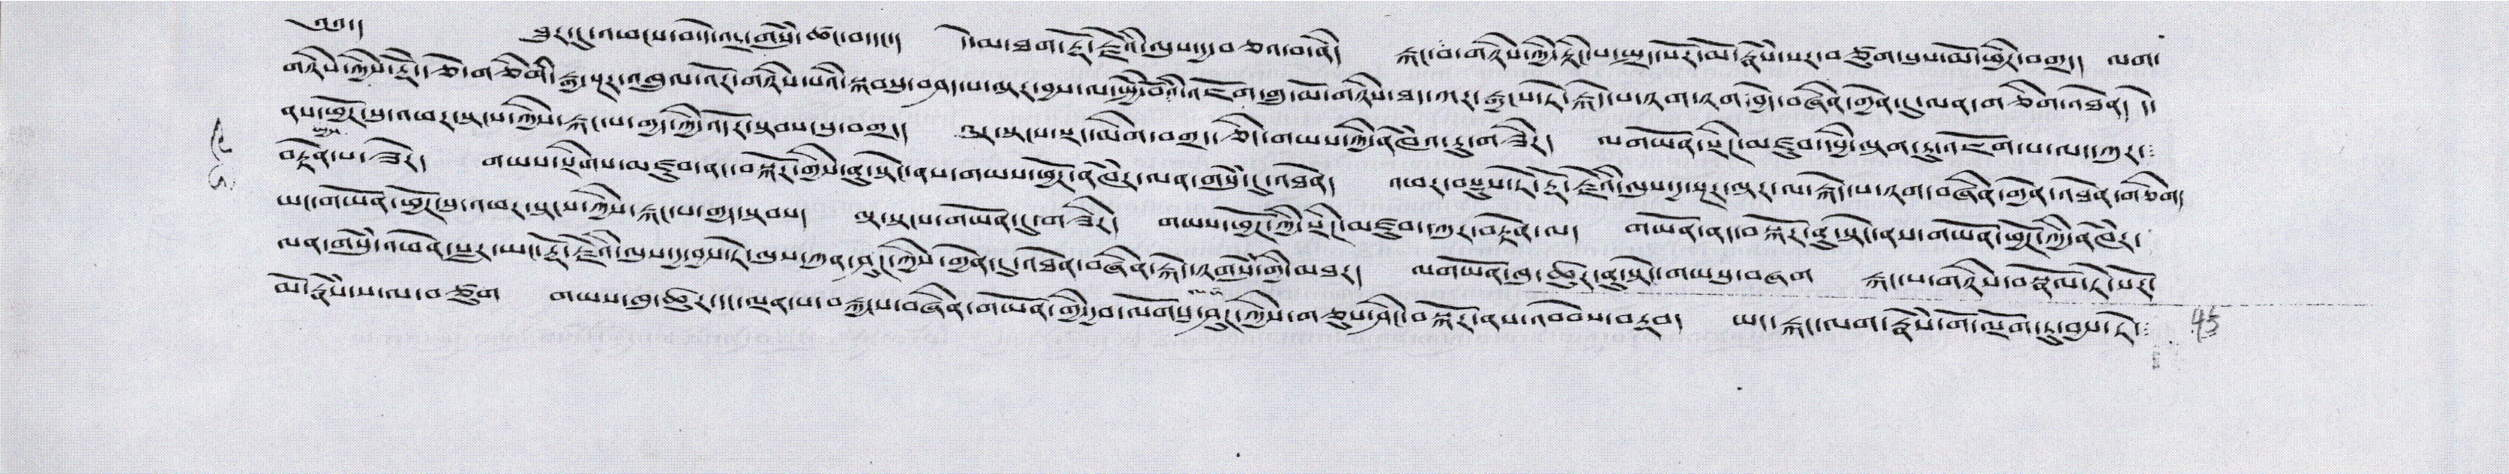ཟུར་དུ་འཕངས་པ་དེ་འདྲ་གསུམ་ཚང་བ་དང་། དེ་མ་ཐག་རྡོ་རྗེའི་ལུས་རྒྱ་བཅའ་བ་ནི། རྐང་པ་གཉིས་ཀྱི་རྟིང་པ་སྤྲད། སོར་མོ་རྣམས་སར་བཙུགས། པུས་མོ་ཕྱིར་བགྲད། ལག་
གཉིས་ཀྱིས་རྡོ་རྗེ་རྩེ་གཅིག་གི་རྒྱ་སྔར་སྔར་འཁྲུལ་འཁོར་གཉིས་པའི་སྐབས་སུ་བཤད་པ་ལྟར་བྱས་ལ་སྤྱི་བོར་འཇོག གྲུ་མོ་གཉིས་ཐད་ཀར་རྒྱངས་ཏེ་རྐེད་པ་ཉག་ཉག་བྱེད་བཞིན་གྱེན་དུ་ལན་གཅིག་འཐེན། དེ་
ནས་གཡས་ཕྱོགས་སུ་འཕར་སྟངས་ཀྱིས་རྐང་པ་གྱད་ཀྱི་འདོར་སྟབས་སུ་བགྲད། ལྟ་སྟངས་སྡང་མིག་བགྲད་བཞིན་གཡས་ཀྱི་ནམ་མཁའ་རུ་གཟིར། ལག་གཡོན་སྡིགས་མཛུབ་དཔྱི་ལྟག་ཏུ་འཇོག་པ་ལ་དཀུ་
བསྟེན་པ་ཟེར། གཡས་སྡིགས་མཛུབ་ནང་བསྐོར་གྱིས་ནུ་སྟེང་ནས་གཡས་ཕྱོགས་ནམ་མཁར་ལན་གསུམ་འཐེན། འཕར་བསྡུས་ཏེ་རྡོ་རྗེའི་ལུས་རྒྱ་སྔར་ལྟར་ལ་རྐེད་པ་ཉག་བཞིན་གྱེན་འཐེན་གཅིག 
ཡང་གཡོན་ཕྱོགས་འཕར་སྟངས་ཀྱིས་རྐང་པ་གྱད་སྟབས། སྟ་སྟངས་གཡོན་དུ་གཟིར། གཡས་ཕྱོགས་ཀྱི་སྡིགས་མཛུབ་དཀུར་བརྟེན་ལ། གཡོན་ནང་བསྐོར་ནུ་སྟེང་ནས་གཡོན་ཕྱོགས་ཀྱི་ནམ་མཁར་
ལན་གསུམ་འཕེན། སླར་ཡང་རྡོ་རྗེའི་ལུས་རྒྱ་བྱས་ཏེ་ལུས་ཀུན་ཤུགས་ཀྱིས་གྱེན་དུ་འཐེན་བཞིན་རྐེད་པར་ཉག་གསུམ་གྱི་མཐར། ལག་གཡོན་ཁུ་ཚུར་ནུ་སྟེང་གཡོན་དུ་བཞག རྐང་པ་གཉིས་བསྣོལ་ཏེ་སོར་
མོ་རྣམས་ས་ལ་བཙུགས། གཡས་ཁུ་ཚུར་དང་ལྡན་པ་བརྐྱངས་བཞིན་གཡོན་གྱི་རྒྱབ་ལོགས་སུ་ཤུགས་ཀྱིས་གཅུས་ཤིང་བསྐོར་ནས་འབེབས་བརྡབ། ཡང་རྐང་ལག་རྣམས་གོ་ལྡོག་ཏུ་བྱས་ཏེ་